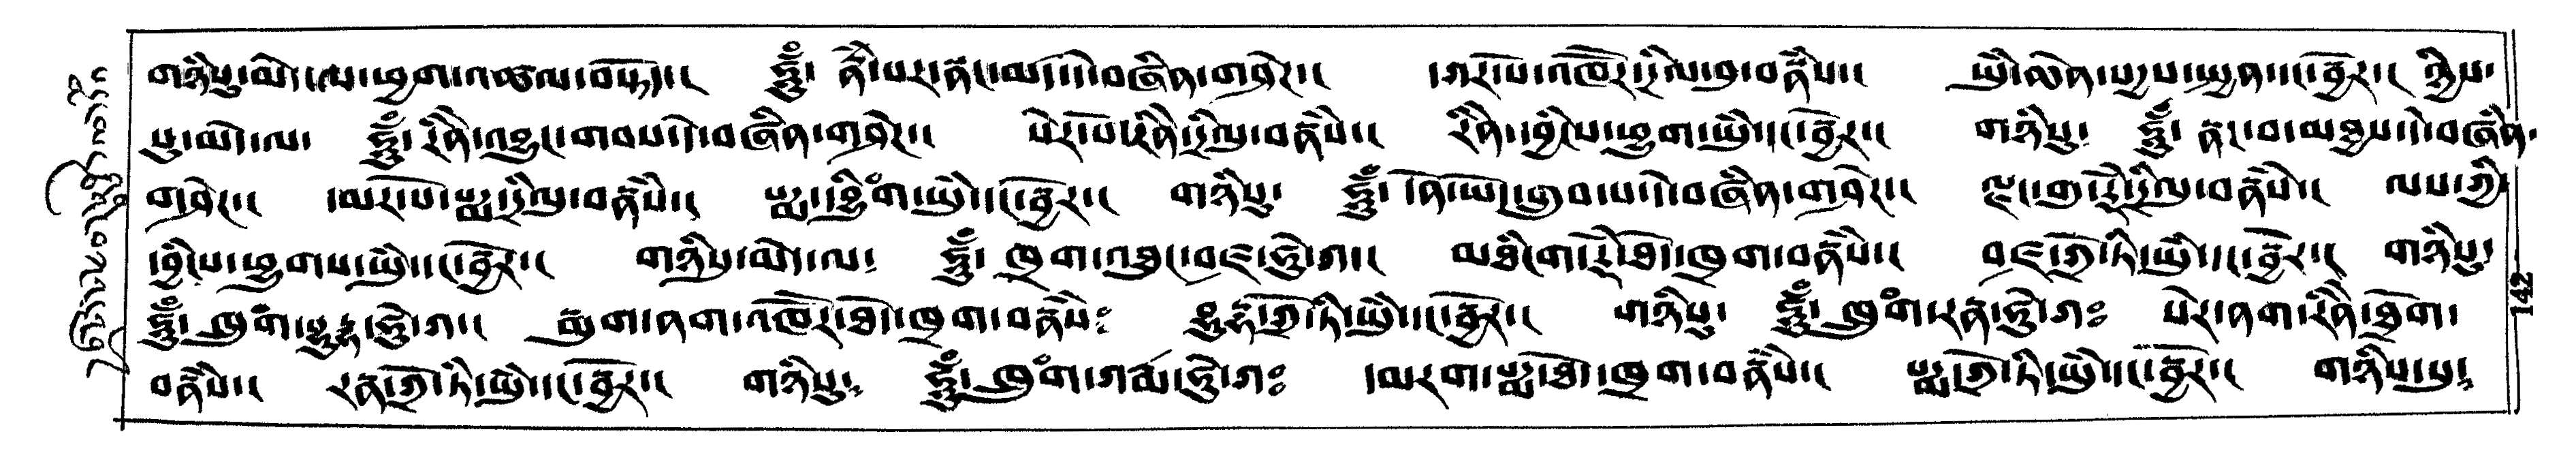།གཉིས་སུ་མེད་ལ་ཕྱག་འཚལ་བསྟོད། ཧཱུྃ། རྣམ་པར་སྣང་མཛད་དེ་བཞིན་གཤེགས། །དཀར་པོ་འཁོར་ལོ་དྲིལ་བུ་བསྣམས། །ཡུམ་ཆེན་སངས་རྒྱས་སྤྱན་དང་སྦྱོར། །གཉིས་
སུ་མེད་ལ༴ ཧཱུྃ། རིན་ཆེན་འབྱུང་གནས་དེ་བཞིན་གཤེགས། །སེར་པོ་རིན་ཆེན་དྲིལ་བུ་བསྣམས། །རིན་ཆེན་དབྱིངས་ཕྱུག་ཡུམ་དང་སྦྱོར། །གཉིས་སུ༴ ཧཱུྃ། སྣང་བ་མཐའ་ཡས་དེ་བཞིན་
གཤེགས།། དམར་པོ་པདྨ་དྲིལ་བུ་བསྣམས། །པདྨ་དབྱིངས་ཕྱུག་ཡུམ་དང་སྦྱོར། གཉིས་སུ༴ ཧཱུྃ། དོན་ཡོད་གྲུབ་པ་དེ་བཞིན་གཤེགས། །ལྗང་གུ་རྡོ་རྗེ་དྲིལ་བུ་བསྣམས། །ལས་ཀྱི་
དབྱིངས་ཕྱུགས་ཡུམ་དང་སྦྱོར། །གཉིས་སུ་མེད་ལ༴ ཧཱུྃ། ཁྲག་འཐུང་བཛྲ་ཧེ་རུ་ཀཿ མཐིང་ནག་རྡོ་རྗེ་ཐོད་ཁྲག་བསྣམས། །བཛྲ་ཀྲོ་ཏི་ཡུམ་དང་སྦྱོར། །གཉིས་སུ༴ 
ཧཱུྃ། ཁྲུག་ཐུང་བྷུདྡྷ་ཧེ་རུ་ཀཿ སྨུག་ནག་འཁོར་ལོ་ཐོད་ཁྲག་བསྣམསཿ བྷུདྡྷ་ཀྲོ་ཏི་ཡུམ་དང་སྦྱོར། །གཉིས་སུ༴ ཧཱུྃ། ཁྲག་འཐུང་རཏྣ་ཧེ་རུ་ཀཿ སེར་ནག་རིན་ཆེན་ཐོད་ཁྲག་
བསྣམས། །རཏྣ་ཀྲོ་ཏི་ཡུམ་དང་སྦྱོར། །གཉིས་སུ༴ ཧཱུྃ། ཁྲག་འཐུང་ཀརྨ་ཧེ་རུ་ཀཿ དམར་ནག་པདྨ་ཐོད་ཁྲག་བསྣམས། །པདྨ་ཀྲོ་ཏི་ཡུམ་དང་སྦྱོར། གཉིས་སུ༴